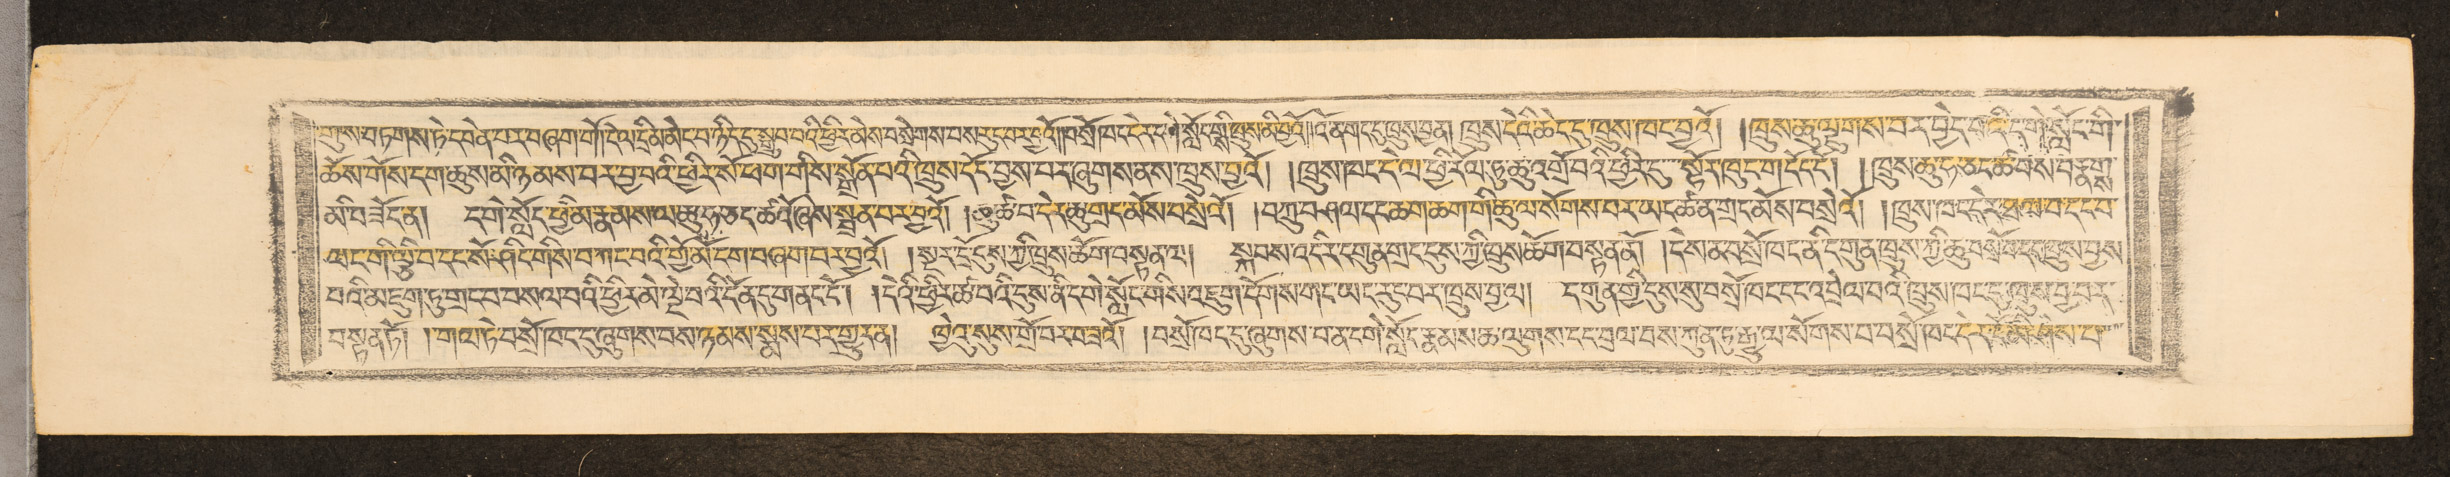གུས་བཏགས་ཏེ་དབེན་པར་བཞག་གོ །རེ་ལ་དྲིམ་མེད་པ་ཉིད་དུ་སྒྲུབ་པའི་ཕྱིར་མེས་བསྲེགས་པས་རུང་བར་བྱའོ། །བསྲོ་ཁང་དེར་དགེ་སློང་གིས་ཁྲུས་མི་བྱའོ། །འོ་ན་གང་དུ་ཁྲུས?་བྱ་ན། ཁྲུས་དེའི་ཆེད་དུ་ཁྲུས་ཁང་བྱའོ། །ཁྲུས་ཆུ་ལྡུགས་པར་བྱེད་པའི་དགེ་སློང་གི་
ཆོས་གོས་དག་ཆུས་མི་ཉམས་པར་བྱ་བའི་ཕྱིར་སོ་ཕག་གིས་སྒྲོན་པའི་ཁྲུས་དོང་བྱས་པར་ཞུགས་ནས་ཁྲུས་བྱའོ། །ཁྲུས་ཁང་དེ་ལ་ཕྱི་རོལ་ཏུ་ཆུ་འགྲོ་བའི་ཕྱིར་དུ་སྟོར་ཁུང་གདོད་དོ། །ཁྲུས་ཆུ་ཧ་ཅང་ཚ་བས་བརྣགས་
མི་བཟོད་ན། དགེ་སློང་ཕྱི་མ་རྣམས་ལ་ཆུ་ཧ་ཅང་ཚའོ་ཞེས་སྦྲན་པར་བྱའོ། །ཆུ་ཚ་བ་དེར་ཆུ་གྲང་མོས་བསྲེའོ། །བཀྲུ་བཤལ་དང་ཆག་ཆག་གི་ཆུ་ལ་སོགས་པར་ཡང་ཚ་ན་གྲང་མོས་བསྲེའོ། །ཁྲུས་ཁང་དེར་ཐལ་བ་དང་བ་
ལང་གི་ལྕི་བ་དང་སོ་ཤིང་གིས་བཀང་པའི་གྱོ་མོ་དག་བཞག་པར་བྱའོ། །སྔར་དྲོ་དུས་ཀྱི་ཁྲུས་ཆོག་བསྟན་ལ། སྐབས་འདིར་དགུན་གྲང་དུས་ཀྱི་ཁྲུས་ཆོག་བསྟན་ནོ། །དེས་ན་བསྲོ་ཁང་ནི་དགུན་ཁྲུས་ཀྱི་ཆུ་བསྲོ་བ་དང་ཁྲུས་བྱས་
པའི་མཇུག་ཏུ་གྲང་བ་བསལ་བའི་ཕྱིར་མེ་ལྡེ་བའི་དོན་དུ་གནང་ངོ། །དེའི་ཕྱིར་ཚ་བའི་དུས་ནི་དགེ་སློང་གིས་འཇུག་དོགས་གང་ཡང་རུང་བར་ཁྲུས་བྱ་ལ། དགུན་གྱི་དུས་སུ་བསྲོ་ཁང་དང་འབྲེལ་བའི་ཁྲུས་ཁང་དུ་ཁྲུས་བྱ་བར་
བསྟན་ཏོ། །གལ་ཏེ་བསྲོ་ཁང་དུ་ཞུགས་པས་ཉམས་སྨས་པར་གྱུར་ན། ཁྱེའུ་སུས་གྲོ་བར་བཟའོ། །བསྲོ་ཁང་དུ་ཞུགས་པ་ན་དགེ་སློང་རྣམས་ཆ་ལུགས་དང་བྲལ་བས་ཀུན་ཏུ་རྒྱུ་ལ་སོགས་པ་བསྲོ་ཁང་དེར་ངོ་མི་ཤེས་པ།